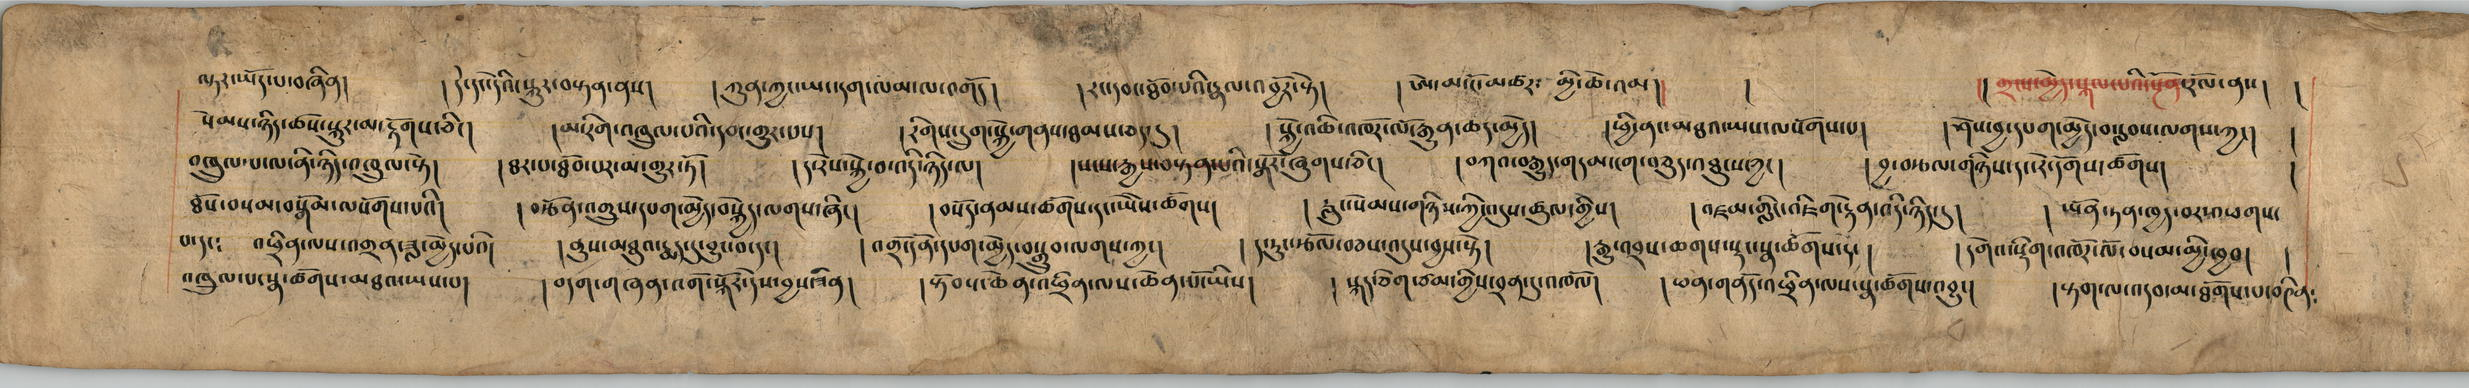ལྟར་ཡོད་པ་བཞིན། །དེ་དང་དེའི་སྐུར་བསྟན་ནས། །ཀུན་ཀྱང་ཡང་དག་ལམ་ལ་འགོད། །རང་དབང་ཐོབ་པའི་རྣལ་འབྱོར་སྟེ། །ཨེ་མ་ངོ་མཚར་ མྱི་ཆེ་འམ།། ། །།གྲངས་མྱེད་སྐལ་པའི་སྔོན་རོལ་ནས།
སེམས་ཉིད་ཆོས་སྐུར་མ་རྟོགས་ཅིང། །མ་རིག་འཁྲུལ་པའི་དབང་གྱུར་པས། །རིགད་དྲུག་སྐྱེ་གནས་ཐམས་ཅད་དུ། །སྐྱེ་འཆི་འཁོར་ལོ་རྒྱུན་ཆད་མྱེད། །ཕྱི་ནང་མཐའ་ཡས་ལསོགས་པ། །ཤེས་བྱ་དཔག་མྱེད་བསླབས་ལགས་ཀྱང།
འཁྲུལ་པ་ལ་ནི་ཉིད་འཁྲུལ་སྟེ། །ཐར་པ་ཐོབ་པར་མ་གྱུར་ཏོ། །ད་རེས་སྐྱེ་བ་འདི་ཉིད་ལ། །སངས་རྒྱས་བསྟན་པའི་སྒོར་ཞུགས་ཅིང། །བཀའ་བརྒྱུད་གདམ་ངག་བཅུད་འཐུངས་ཀྱང། །བྱ་བརྩལ་གཉིས་དང་རེ་དོགས་ཚོགས།
ཐོས་བསམ་བསྒོམ་ལསོགས་པའི། །བརྩོན་འགྲུས་དཔག་མྱེད་བསྐྱེད་ལགས་ཞིང། །བསོད་ནམས་ཚོགས་ཡཻས་ཚོགས། །རླུང་སེམས་གཉིས་ཀྱི་འདུས་ཚུལ་གྱིས། །འཛམ་གླིང་འཇིག་རྟེན་འདི་ཉིད་དུ། །ཡོན་ཏན་ཁྱད་བར་འཕགས་
པ་དང༴ འཕྲིན་ལས་འགྲན་ཟླ་མྱེད་པའི། །ནུས་མཐུའ་རྨད་དཡ་བྱུང་བ་དང། །འགྲོ་དོན་དཔག་མྱེད་བསྒྲུབ་ལགས་ཀྱང། །ད་རུང་རྩོལ་བཅས་འདུས་བྱས་སྟེ། །རྒྱུ་འབྲས་ཆགས་སྡང་སྣ་ཚོགས་དང། །དགེའ་སྡིག་འཁོར་ལོ་བསམ་མྱི་ཁྱབ།
འཁྲུལ་པ་སྣ་ཚོགས་མཐའ་ཡས་པ། །བདག་གཞན་འགོ་སྐོར་དེས་བྱས་ཟིན། །སྟོབས་ཆེན་འཕྲིན་ལས་ཆེན་པོ་ཡིས། །སྐད་ཅིག་ཙམ་གྱིས་བྲན་དུ་འཁོལ། །ཕན་གནོད་འཕྲིན་ལས་སྣ་ཚོགས་འབྱུང། །སྟག་ལ་འདབ་མ་ཐོགས་པ་བཞིན༴